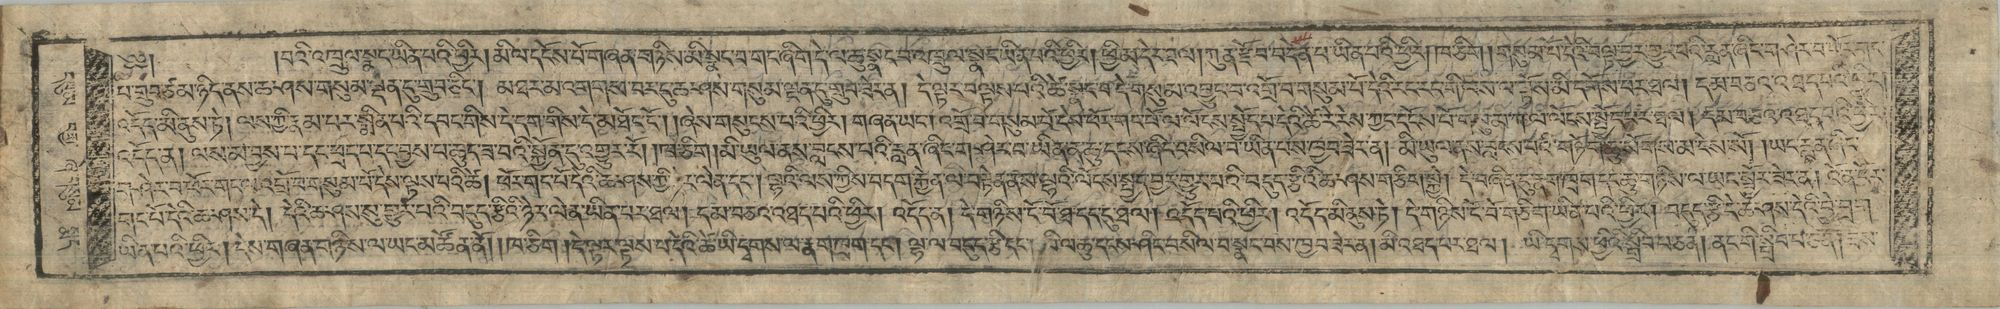༄༅། །བའི་འཁྲུལ་སྣང་ཡིན་པའི་ཕྱིར། མི་ལ་དངོས་པོ་གཞན་གཉིས་མི་སྣང་བ་གང་ཞིག་དེ་ལ་ཆུ་སྣང་བ་འཁྲུལ་སྣང་ཡིན་པའི་ཕྱིར། ཕྱི་མ་དེར་ཐལ། ཀུན་རྫོབ་བདེན་པ་ཡིན་པའི་ཕྱིར། ཁ་ཅིག །གསུམ་པོ་དེའི་བལྟ་བྱར་གྱུར་བའི་རླན་ཞིང་གཤེར་བ་སོང་གང་
པ་གྲུབ་ཙམ་ཉིད་ནས་ཆ་ཤས་གསུམ་ལྡན་དུ་གྲུབ་ཅིང་། མཐར་མ་འགགས་བར་དུ་ཆ་ཤས་གསུམ་ལྡན་དུ་གྲུབ་ཟེར་ན། དེ་ལྟར་བལྟས་པའི་ཚེ་སྣང་བ་དེ་གསུམ་འབྱུང་བ་འགྲོ་བ་གསུམ་པོ་དེའི་རང་རང་གི་ལས་ལ་ལྟོས་མི་དགོས་པར་ཐལ། དམ་བཅའ་འཐད་པའི་ཕྱིར།
འདོད་མི་ནུས་ཏེ། ལས་ཀྱི་རྣམ་པར་སྨིན་པའི་དབང་གིས་དེ་དག་གིས་དེ་མཐོང་ངོ། །ཞེས་གསུངས་པའི་ཕྱིར། གཞན་ཡང་། འགྲོ་བ་གསུམ་པོ་དེས་ཕོར་གང་པོ་ལ་ལོངས་སྤྱོད་པ་དེའི་ཚེ་རེ་རེས་ཀྱང་དངོས་པོ་གསུམ་ཀ་ལ་ལོངས་སྤྱོད་པར་ཐལ། དམ་བཅའ་འཐད་པའི་ཕྱིར།
འདོད་ན། ལས་མ་བྱས་པ་དང་ཕྲད་པ་དང་བྱས་པ་ཆུད་ཟ་བའི་སྐྱོན་དུ་འགྱུར་རོ། །ཁ་ཅིག །མི་ཡུལ་ནས་བླངས་པའི་རླན་ཞིང་གཤེར་བ་ཡིན་ན་ཆུ་དངྶྮིང་བསིལ་བ་ཡིན་པས་ཁྱབ་ཟེར་ན། མི་ཡུལ་ནས་བླངས་པའི་གཉོག་ཆུ་སོགས་མ་ངེས་སོ། །ཡང་རླན་ཞིང་
གཤེར་བ་ཕོར་གང་ལ་འགྲོ་བ་གསུམ་པོ་དེས་ལྟས་པའི་ཚེ། ཕོར་གང་པོ་དེའི་ཆ་ཤས་ཀྱི་ཉེར་ལེན་དང་། ལྷའི་ལས་ཀྱིས་བདག་རྐྱེན་ལ་བརྟེན་ནས་ལྷའི་ལོངས་སྤྱད་བྱར་གྱུར་པའི་བདུད་རྩིའི་ཆ་ཤས་གཅིག་སྐྱེ། དེ་བཞིན་དུ་རྣག་ཁྲག་དང་ཆུ་གཉིས་ལ་ཡང་སྦྱོར་ཟེར་ན། འོ་ན་ཕོར་
གང་པོ་དེའི་ཆ་ཤས་དེ། དེའི་ཆ་ཤས་སུ་གྱུར་པའི་བདུད་རྩིའི་ཉེར་ལེན་ཡིན་པར་ཐལ། དམ་བཅའ་འཐད་པའི་ཕྱིར། འདོད་ན། དེ་གཉིས་ངོ་བོ་ཐ་དད་དུ་ཐལ། འདོད་པའི་ཕྱིར། འདོད་མི་ནུས་ཏེ། དེ་གཉིས་ངོ་བོ་གཅིག་ཡིན་པའི་ཕྱིར། བདུད་རྩི་དེ་ཆ་ཤས་དེའི་བྱེ་བྲག་
ཡིན་པའི་ཕྱིར། དེས་གཞན་གཉིས་ལ་ཡང་མཚོན་ནོ། །ཁ་ཅིག །དེ་ལྟར་ལྟས་པ་དེའི་ཚེ་ཡི་དྭགས་ལ་རྣག་ཁྲག་དང་། ལྷ་ལ་བདུད་རྩི་དང་། མི་ལ་ཆུ་དངས་ཤིང་བསིལ་བ་སྣང་བས་ཁྱབ་ཟེར་ན། མི་འཐད་པར་ཐལ། ཡི་དྭགས་ཕྱིའི་སྒྲིབ་པ་ཅན། ནང་གི་སྒྲིབ་པ་ཅན། ཟས་